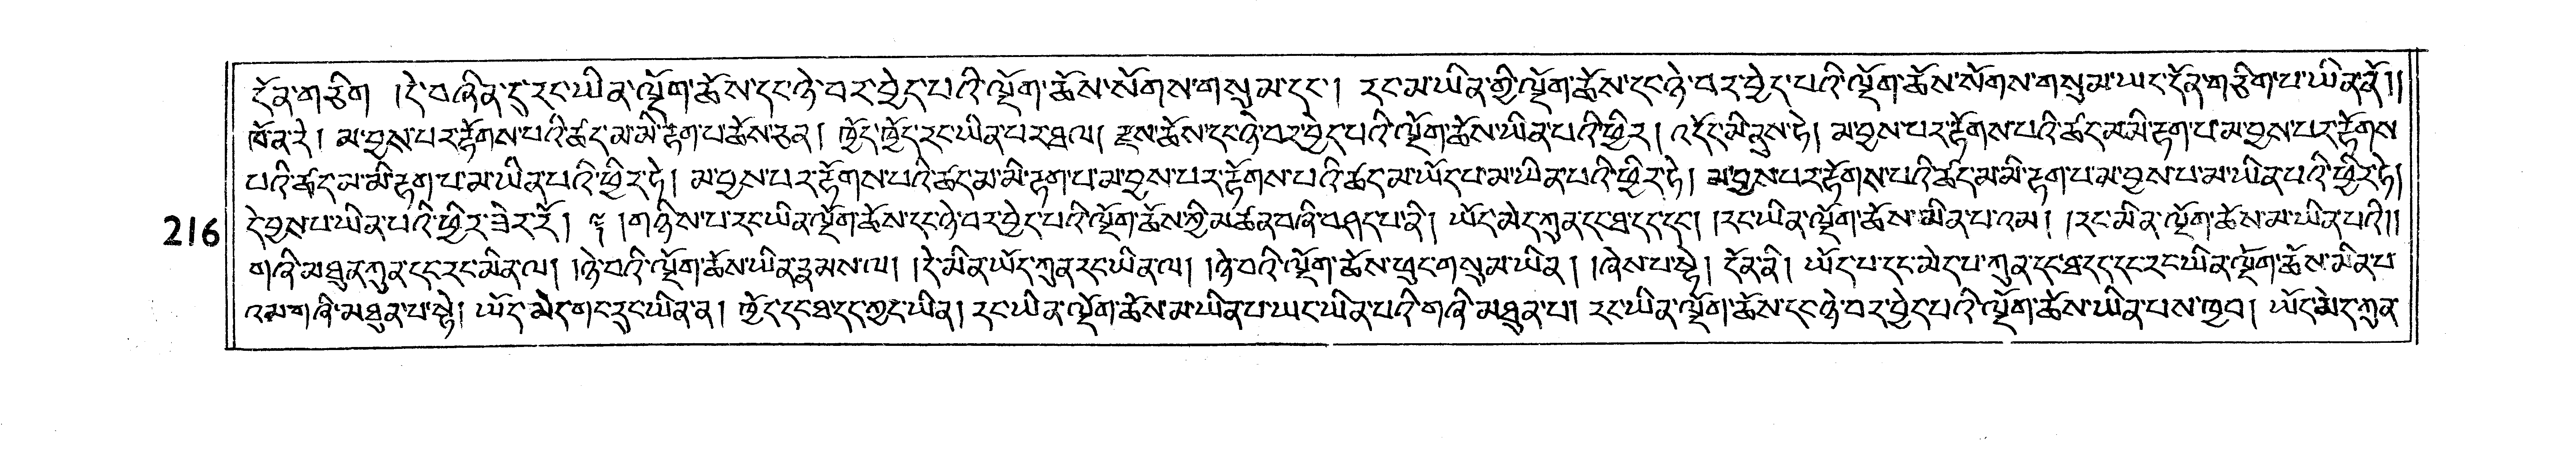དོན་གཅིག །དེ་བཞིན་དུ་རང་ཡིན་ལྡོག་ཆོས་དང་ཉེ་བར་བྱེད་པའི་ལྡོག་ཆོས་སོགས་གསུམ་དང་། རང་མ་ཡིན་གྱི་ལྡོག་ཆོས་དང་ཉེ་བར་བྱེད་པའི་ལྡོག་ཆོས་སོགས་གསུམ་ཡང་དོན་གཅིག་པ་ཡིན་ནོ།།
ཁོ་ན་རེ། མ་བྱས་པར་རྟོགས་པའི་ཚད་མ་མི་རྟག་པ་ཆོས་ཅན། ཁྱོད་ཁྱོད་རང་ཡིན་པར་ཐལ། རྫས་ཆོས་དང་ཉེ་བར་བྱེད་པའི་ལྡོག་ཆོས་ཡིན་པའི་ཕྱིར། འདོད་མི་ནུས་ཏེ། མ་བྱས་པར་རྟོགས་པའི་ཚད་མ་མི་རྟག་པ་མ་བྱས་པར་རྟོགས་
པའི་ཚད་མ་མི་རྟག་པ་མ་ཡིན་པའི་ཕྱིར་ཏེ། མ་བྱས་པར་རྟོགས་པའི་ཚད་མ་མི་རྟག་པ་མ་བྱས་པར་རྟོགས་པའི་ཚད་མ་ཡོད་པ་མ་ཡིན་པའི་ཕྱིར་ཏེ། མ་བྱས་པར་རྟོགས་པའི་ཚད་མ་མི་རྟག་པ་མ་བྱས་པ་མ་ཡིན་པའི་ཕྱིར་ཏེ།
དེ་བྱས་པ་ཡིན་པའི་ཕྱིར་ཟེར་རོ། ༈ །གཉིས་པ་རང་ཡིན་ལྡོག་ཆོས་དང་ཉེ་བར་བྱེད་པའི་ལྡོག་ཆོས་ཀྱི་མཚན་བཞི་བཤད་པ་ནི། ཡོད་མེད་ཀུན་དང་ཐ་དད་དང་། །རང་ཡིན་ལྡོག་ཆོས་མིན་པའམ། །རང་མིན་ལྡོག་ཆོས་མ་ཡིན་པའི།།
གཞི་མཐུན་ཀུན་དང་རང་མིན་ལ། །ཉེ་བའི་ལྡོག་ཆོས་ཡིན་རྣམས་ལ། །དེ་མིན་ཡོད་ཀུན་རང་ཡིན་ལ། །ཉེ་བའི་ལྡོག་ཆོས་ཕུང་གསུམ་ཡིན། །ཞེས་པ་སྟེ། དོན་ནི། ཡོད་པ་དང་མེད་པ་ཀུན་དང་ཐ་དད་དང་རང་ཡིན་ལྡོག་ཆོས་མིན་པ་
འམ་གཞི་མཐུན་པ་སྟེ། ཡོད་མེད་གང་རུང་ཡིན་ན། ཁྱོད་དང་ཐ་དད་ཀྱང་ཡིན། རང་ཡིན་ལྡོག་ཆོས་མ་ཡིན་པ་ཡང་ཡིན་པའི་གཞི་མཐུན་པ། རང་ཡིན་ལྡོག་ཆོས་དང་ཉེ་བར་བྱེད་པའི་ལྡོག་ཆོས་ཡིན་པས་ཁྱབ། ཡོད་མེད་ཀུན་